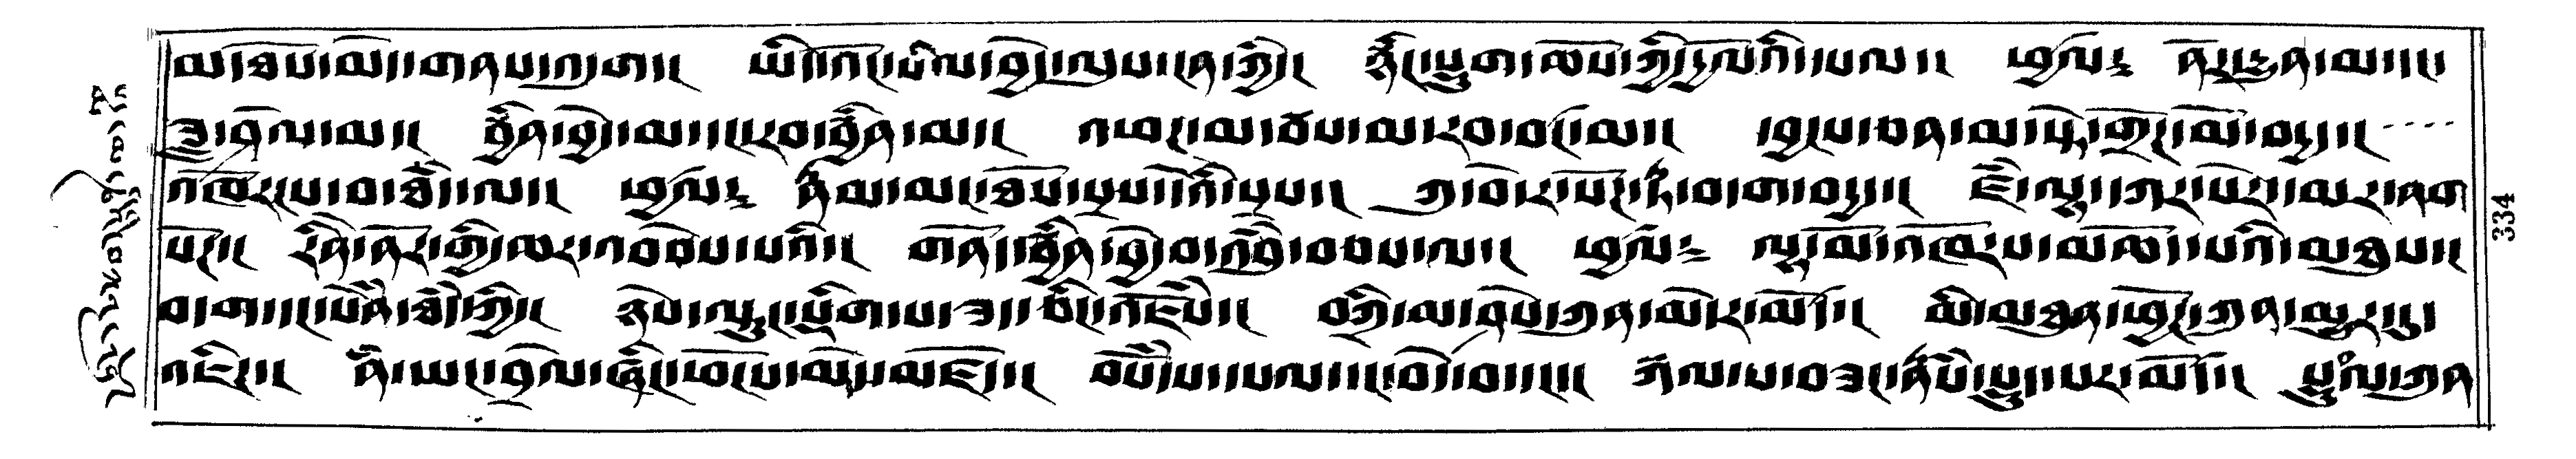མ་ཐོས་མེད་གནས་འདུགཡིད་འོང་བསིལ་བྱེད་ལུས་ངན་ཀྱི། །སྙིང་སྡུག་ཆོས་ཀྱི་རྒྱལ་པོའི་དཔལ། །ཕྱག་འཚལ༴ ནོར་རྒྱུན་མ་དང་
ཟླ་ཤེལ་མ། །སྦྱིན་བྱེད་མ་དང་རབ་སྦྱིན་མ། །འཕགས་མ་སྦས་མ་རབ་བཟང་མ། །དབྱངས་ཅན་མ་སྟེ་གྲོགས་མོ་བརྒྱད། །
འཁོར་དང་བཅས་པ་ཐམས་ཅད་ལ། །ཕྱག་འཚལ༴ རྣམ་མང་ཐོས་སྲས་དེ་ཡི་སྲས། །ཀུ་བེ་ར་སོགས་རྟ་བདག་བརྒྱད། །ཛམ་ལ་དཀར་སེར་དམར་ནག་
སོགས། །རིན་ཆེན་ནོར་གྱི་ཆར་འབེབས་པའི། གནོད་སྦྱིན་བྱེ་བ་འབུམ་བཅས་ལ། །ཕྱག་འཚལ༴ ལྷ་མོ་འཁོར་དང་བཅས་མཆོད་པའི་མཐུས། །
བདག་དང་སེམས་ཅན་ཐམས་ཅད་ཀྱི། ཉེས་ལྟུང་སྡིག་པ་ཟད་ཅིང་འཇོམས། བཀྲ་མ་ཤིས་ཀུན་མེད་པར་མཛོད། །མི་མཐུན་ཕྱོགས་ཀུན་མྱུར་དུ་
འཇིག །ནམ་ཡང་བྲེལ་ཞིང་ཕོངས་མེད་མཛོད། །བསོད་ནམས་དཔལ་དང་བདེ་བ་དང་། །སྐལ་པ་བཟང་རྣམས་སྡུད་པར་མཛོད། །སྡུག་བསྔལ་ཀུན་